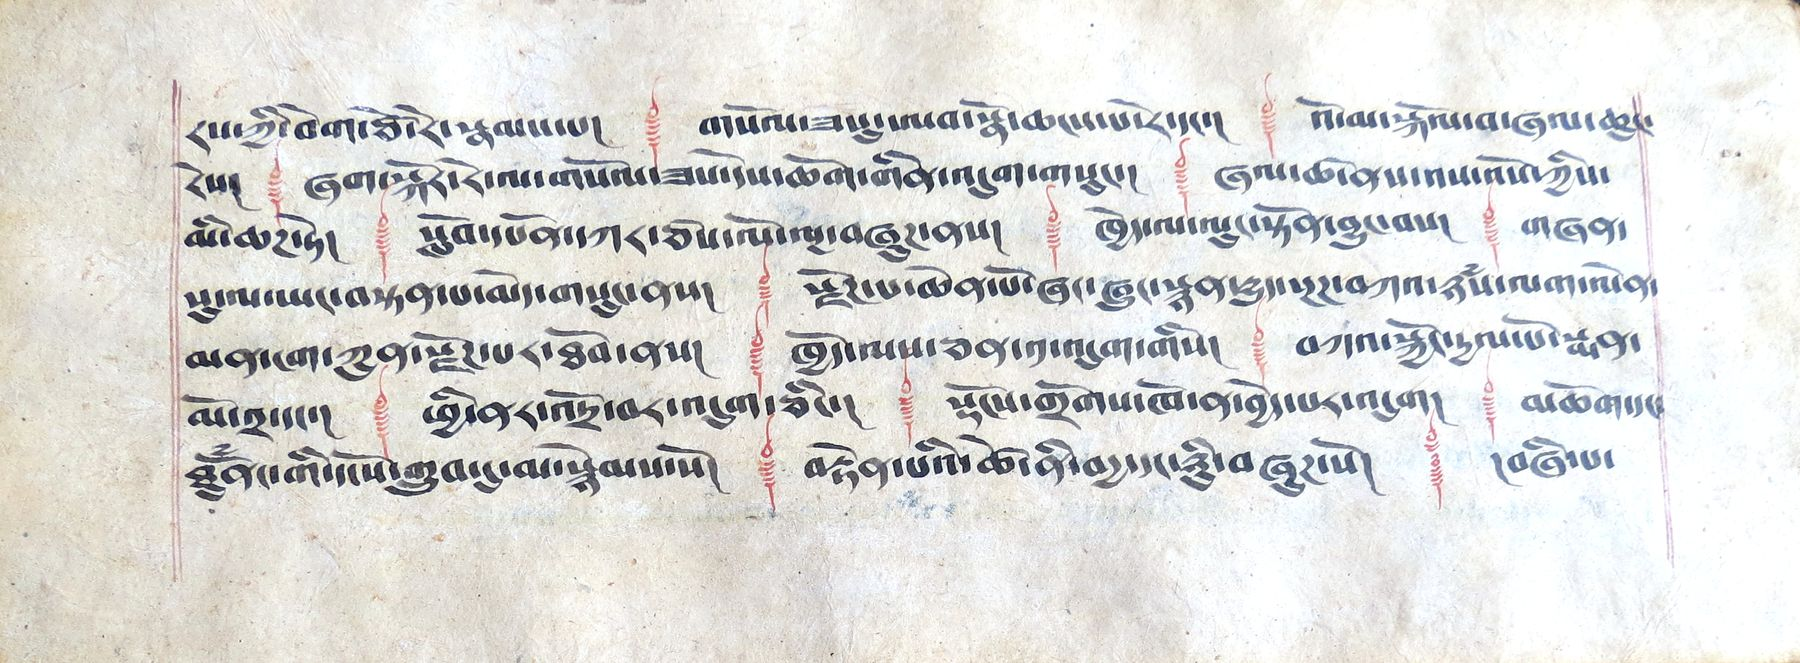རས་ཀྱི་བེག་ཙེ་རེ་མནབས་བ། གསོལ་ཟས་སུ་ཨབ་སྣོ་ཆང་པ་རེ་དང། འོ་མ་སྐོལ་པ་ཞལ་ཆུང་
རེས། ཞག་སྐོར་ལ་གསོལ་ཟས་དེས་ཆོག་གི་འདུག་གསུངས། ཞལ་ཚ་ནས་འས་འོལ་
མི་ཆགས་ཏེ། སློབ་དཔོན་ཀར་ཙ་ལོ་ལྔ་བཞུགས་ནས་ཁྱེད་ལ་ལུང་སྟོན་བྱུང་བས། གཞན་
སུ་ལ་ཡང་བསྟན་པ་མེད་གསུངས་ནས། རྫོགས་པ་ཆེན་པོ་ཞང་ཞུང་སྙན་རྒྱུད་སྔགས་བཀའ་ཉམས་ལག་ལེན་
མན་ངག་ཀུན་ཐོབ་ནས། ཁྱོད་ལས་ཅན་ཞིག་འདུག་གི བཀའ་སྐྱོང་རྒྱལ་པོ་སྨན་
མོ་གཉིས་དང་། ཕྱི་ནར་འགྲོ་བར་འདུག་ཅིང་། སྡོང་གྲོགས་ཁོ་ན་བྱེད་པར་འདུག་གསུངས། མཆོག་དང་
ཐུན་མོང་གི་དངོས་གྲུབ་དུ་མ་བསྙེམས་སོ། ། བརྟེན་པའི་ཚེ་ནི་བརྒྱ་དང་ཉི་ཤུ་བཞུགས་སོ། བཞི་པ་